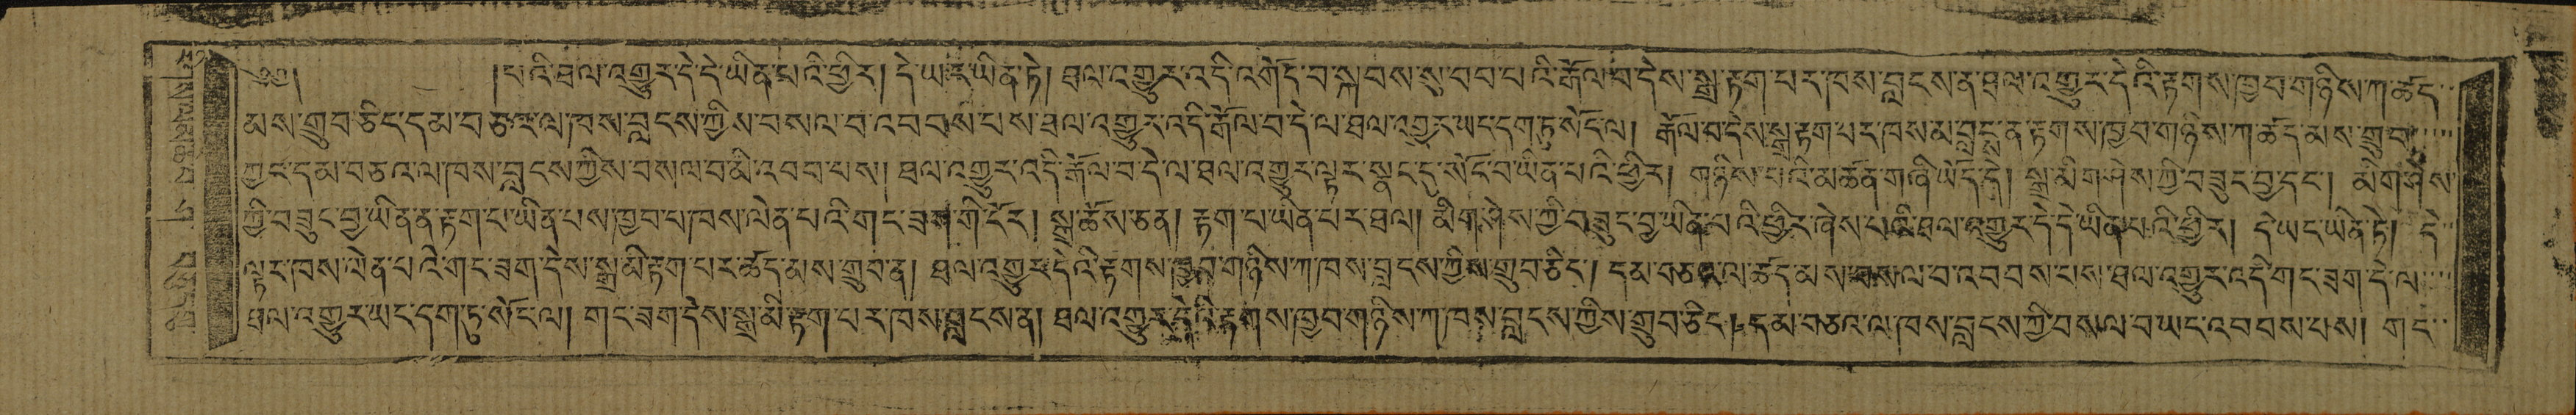༄༅། །པའི་ཐལ་འགྱུར་དེ་དེ་ཡིན་པའི་ཕྱིར། དེ་ཡང་ཡིན་ཏེ། ཐལ་འགྱུར་འདི་འགོད་བ་སྐབས་སུ་བབ་པའི་རྒོལ་བ་དེས་སྒྲ་རྟག་པར་ཁས་བླངས་ན་ཐལ་འགྱུར་དེའི་རྟགས་ཁྱབ་གཉིས་ཀ་ཚད་
མས་གྲུབ་ཅིང་དམ་བཅའ་ལ་ཁས་བླངས་ཀྱིས་བསལ་བ་འབབས་པས་ཐལ་འགྱུར་འདི་རྒོལ་བ་དེ་ལ་ཐལ་འགྱུར་ཡང་དག་ཏུ་སོང་ལ། རྒོལ་བ་དེས་སྒྲ་རྟག་པར་ཁས་མ་བླངས་ན་རྟགས་ཁྱབ་གཉིས་ཀ་ཚད་མས་གྲུབ་
ཀྱང་དམ་བཅའ་ལ་ཁས་བླངས་ཀྱིས་བསལ་བ་མི་འབབ་པས། ཐལ་འགྱུར་འདི་རྒོལ་བ་དེ་ལ་ཐལ་འགྱུར་ལྟར་སྣང་དུ་སོང་བ་ཡིན་པའི་ཕྱིར། གཉིས་པའི་མཚན་གཞི་ཡོད་དེ། སྒྲ་མིག་ཤེས་ཀྱི་བཟུང་བྱ་དང་། མིག་ཤེས་
ཀྱི་བཟུང་བྱ་ཡིན་ན་རྟག་པ་ཡིན་པས་ཁྱབ་པ་ཁས་ལེན་པའི་གང་ཟག་གི་ངོར། སྒྲ་ཆོས་ཅན། རྟག་པ་ཡིན་པར་ཐལ། མིག་ཤེས་ཀྱི་བཟུང་བྱ་ཡིན་པའི་ཕྱིར་ཞེས་པའི་ཐལ་འགྱུར་དེ་དེ་ཡིན་པའི་ཕྱིར། དེ་ཡང་ཡིན་ཏེ། དེ་
ལྟར་ཁས་ལེན་པའི་གང་ཟག་དེས་སྒྲ་མི་རྟག་པར་ཚད་མས་གྲུབ་ན། ཐལ་འགྱུར་དེའི་རྟགས་ཁྱབ་གཉིས་ཀ་ཁས་བླངས་ཀྱིས་གྲུབ་ཅིང་། དམ་བཅའ་ལ་ཚད་མས་བསལ་བ་འབབས་པས་ཐལ་འགྱུར་འདི་གང་ཟག་དེ་ལ་
ཐལ་འགྱུར་ཡང་དག་ཏུ་སོང་ལ། གང་ཟག་དེས་སྒྲ་མི་རྟག་པར་ཁས་བླངས་ན། ཐལ་འགྱུར་དེའི་རྟགས་ཁྱབ་གཉིས་ཀ་ཁས་བླངས་ཀྱིས་གྲུབ་ཅིང་། དམ་བཅའ་ལ་ཁས་བླངས་ཀྱི་བསལ་བ་ཡང་འབབས་པས། གང་